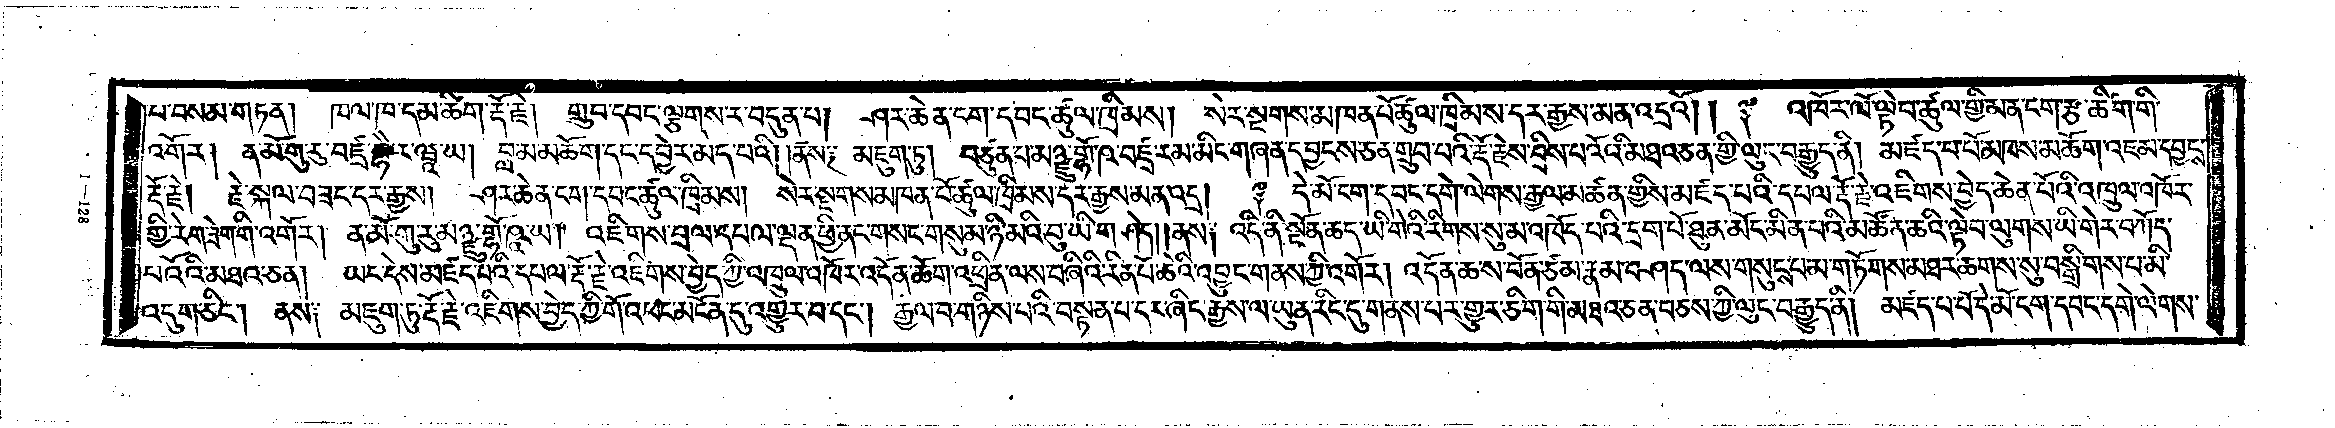པ་བསམ་གཏན། ཁལ་ཁ་དམ་ཚིག་རྡོ་རྗེ། གྲུབ་དབང་ལྕགས་ར་བདུན་པ། ཤར་ཆེན་ངག་དབང་ཚུལ་ཁྲིམས། སེར་སྔགས་མཁན་པོ་ཚུལ་ཁྲིམས་དར་རྒྱས་མན་འདྲའོ། ། ༈ འཁོར་ལོ་ལྟེ་བ་ཚུལ་གྱི་མན་ངག་རྩ་ཚིག་གི་
འགོར། ན་མོ་གུ་རུ་བཛྲ་བྷཻ་ར་ཝཱ་ཡ། བླ་མ་མཆོག་དང་དབྱེར་མེད་པའི། །ནས༑ མཇུག་ཏུ། བཙུན་པ་མཉྫུ་གྷོ་ཥ་བཛྲ་རམ་མིང་གཞན་དབྱངས་ཅན་གྲུབ་པའི་རྡོ་རྗེས་བྲིས་པའོའི་མཐའ་ཅན་གྱི་ལུང་བརྒྱུད་ནི། མཛད་པ་པོ་མཁས་མཆོག་འཇམ་དབྱངས་
རྡོ་རྗེ། རྗེ་སྐལ་བཟང་དར་རྒྱས། ཤར་ཆེན་ངག་དབང་ཚུལ་ཁྲིམས། སེར་སྔགས་མཁན་པོ་ཚུལ་ཁྲིམས་དར་རྒྱས་མན་འདྲ། ༈ དེ་མོ་ངག་དབང་དགེ་ལེགས་རྒྱལ་མཚན་གྱིས་མཛད་པའི་དཔལ་རྡོ་རྗེ་འཇིགས་བྱེད་ཆེན་པོའི་འཁྲུལ་འཁོར་
གྱི་རེ་གཟེག་གི་འགོར། ན་མོ་གུ་རུ་མཉཛུ་གྷོ་ཥཱ་ཡ། འཇིགས་བྲལ་དཔལ་ལྡན་ཕྱི་ནང་གསང་གསུམ་ཉི་མའི་བུ་ཡི་གཤེད། །ནས༑ འདི་ནི་སྔོན་ཆད་ཡི་གེའི་རིགས་སུ་མ་འཁོད་པའི་དྲག་པོ་ཐུན་མོང་མིན་པའི་མཚོན་ཆའི་ལྟེ་བ་ལུགས་ཡི་གེར་བཀོད་
པའོའི་མཐའ་ཅན། ཡང་དེས་མཛད་པའི་དཔལ་རྡོ་རྗེ་འཇིགས་བྱེད་ཀྱི་འཁྲུལ་འཁོར་འདོན་ཆོག་འཕྲིན་ལས་བཞིའི་རིན་པོ་ཆེའི་འབྱུང་གནས་ཀྱི་འགོར། འདོན་ཆ་ས་བོན་ཙམ་རྣམ་བཤད་ལས་གསུངས་པ་མ་གཏོགས་མཐར་ཆགས་སུ་བསྒྲིགས་པ་མི་
འདུག་ཅིང་། ནས༑ མཇུག་ཏུ་རྡོ་རྗེ་འཇིགས་བྱེད་ཀྱི་གོ་འཕང་མངོན་དུ་འགྱུར་བ་དང་། རྒྱལ་བ་གཉིས་པའི་བསྟན་པ་དར་ཞིང་རྒྱས་ལ་ཡུན་རིང་དུ་གནས་པར་གྱུར་ཅིག་གི་མཐའ་ཅན་བཅས་ཀྱི་ལུང་བརྒྱུད་ནི། མཛད་པ་པོ་དེ་མོ་ངག་དབང་དགེ་ལེགས་